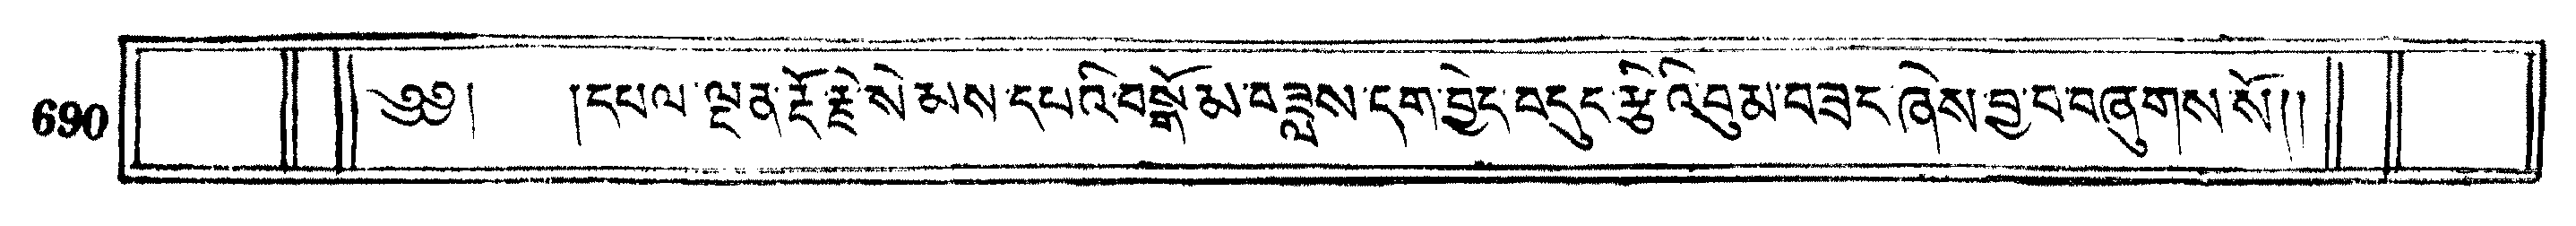༄༅། །དཔལ་ལྡན་རྡོ་རྗེ་སེམས་དཔའི་བསྒོམ་བཟླས་དག་བྱེད་བདུད་རྩིའི་བུམ་བཟང་ཞེས་བྱ་བ་བཞུགས་སོ།།